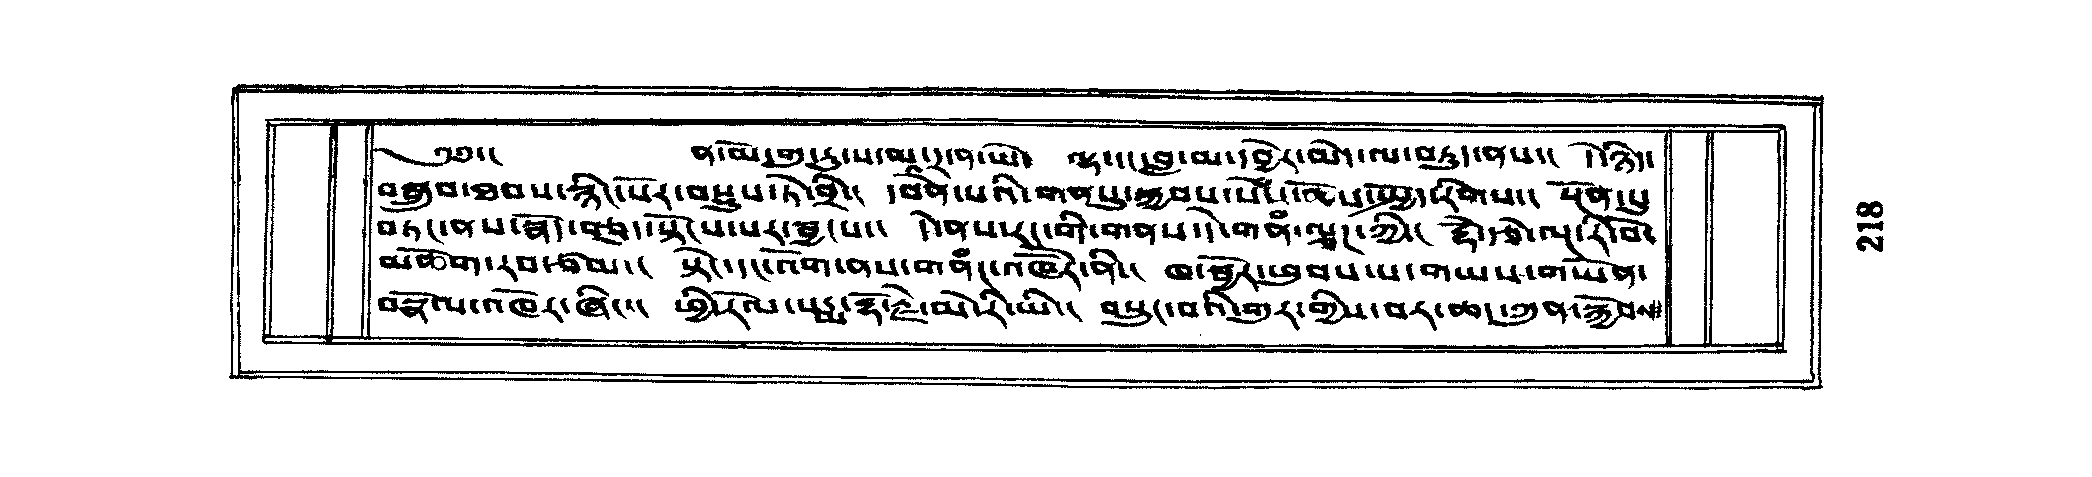༄༅། ན་མོ་གུ་རུ་ས་མཱ་དྲ་ན་ཡེ། ལྷ་དང་བླ་མ་དབྱེར་མེད་ལ་བཏུད་ནས། དེ་ཉིད་
བསྒྲུབ་ཐབས་སྙིང་པོར་བསྡུས་ཏེ་བྲི། དབེན་པའི་གནས་སུ་སྐྱབས་སེམས་ཆོས་སྤྱོད་རིགས། སྔོན་དུ་
བཏང་ནས་སྣོད་བཅུད་སྟོངས་པར་སྦྱངས། དེ་ནས་རང་གི་ནགས་དེ་གནམ་ལྕགས་ཀྱི། རྡོ་རྗེ་རྩེ་ལྔ་རི་བོ་
མཆོག་རབ་ཙམ། སྟེང་དང་འོག་ནས་གནམ་ལྕགས་འཁོར་ལོ་ནི། ཁ་སྦྱོར་ཕུབས་པ་གཡས་གཡོན་
བསྣོལ་འཁོར་ཞིང་། ཕྱི་རོལ་པདྨ་རྡོ་རྗེ་མེ་རི་ཡི། བསྲུང་བའི་གུར་གྱིས་བར་ཆད་ཀུན་སྐྱོབས་